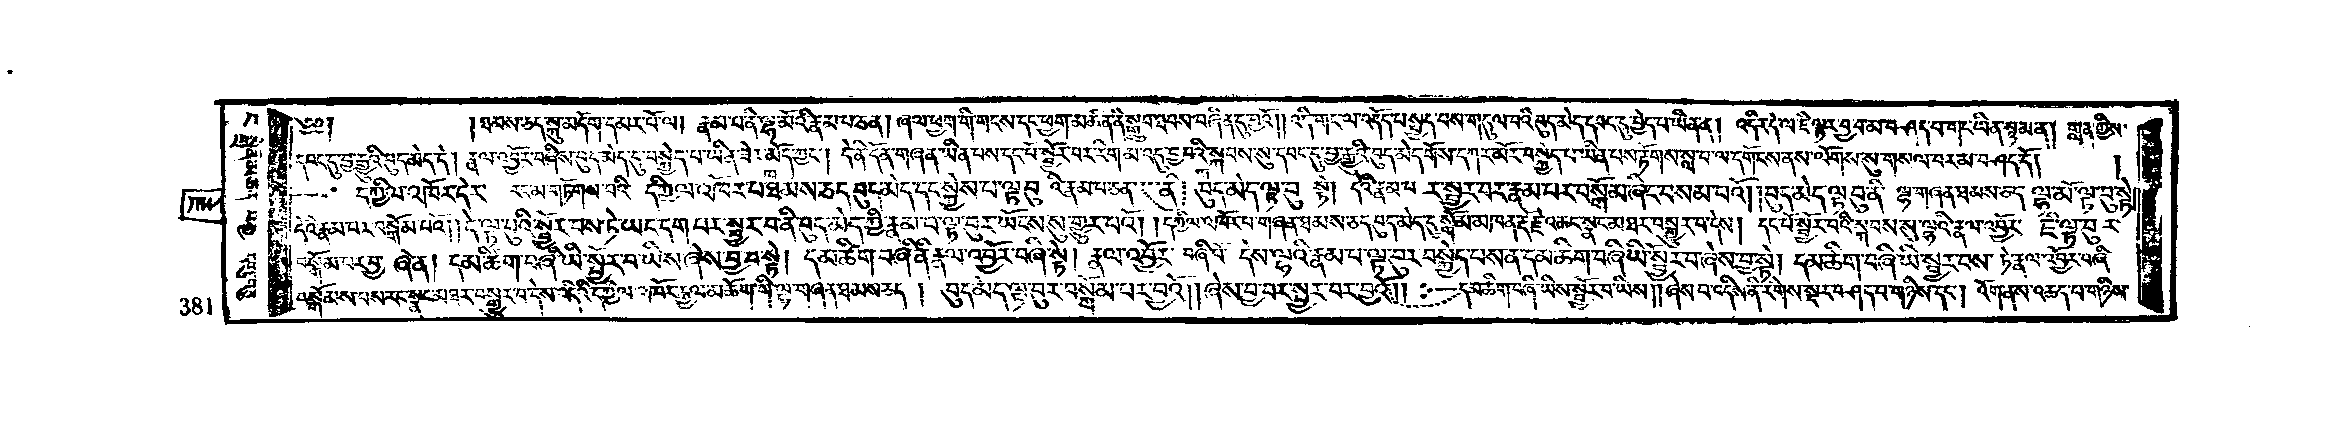༄༅། །ཐམས་ཅད་སྐུ་མདོག་དམར་པོ་ལ། རྣམ་པ་ནི་ལྷ་མོའི་རྣམ་པ་ཅན། ཞལ་ཕྱག་གི་གྲངས་དང་ཕྱག་མཚན་ནི་སྒྲུབ་ཐབས་བཞིན་དུ་བྱའོ། །འདི་གང་ལ་འདོད་པ་སྤྱད་པས་གདུལ་བའི་བུད་མེད་དབང་དུ་བྱེད་པ་ཡིན་ན། འདིར་དེ་ལ་ཇི་ལྟར་བྱ་བ་མ་བཤད་པ་གང་ཡིན་སྙམ་ན། གླན་གྱིས་
དབང་དུ་བྱ་རྒྱུའི་བུད་མེད་དེ། རྣལ་འབྱོར་བཞིས་བུད་མེད་དུ་བསྐྱེད་པ་ཡིན་ཟེར་མོད་ཀྱང་། དེ་ནི་དོན་གཞན་ཡིན་པས་དང་པོ་སྦྱོར་བར་རིག་མ་འདུ་བྱ་བའི་སྐབས་སུ་དབང་དུ་བྱ་རྒྱུའི་བུད་མེད་གོས་དཀར་མོར་བསྐྱེད་པ་ཡིན་པས་རྟོགས་སླ་བ་ལ་དགོངས་ནས་ལོགས་སུ་གསལ་བར་མ་བཤད་དོ། ། དཀྱིལ་འཁོར་དེར་རང་མ་གཏོགས་པའི་དཀྱིལ་འཁོར་བ་ཁ་ཐམས་ཅད་ཀ་བུད་མེད་དང་སྐྱེས་པ་ལྟ་བུའི་རྣམ་པ་ཅན་ནི་ག་བུད་མེད་ལྟ་བུ་སྟེ། དེའི་རྣམ་པར་སྦྱར་བར་རྣམ་པར་བསྒོམ་ཞིང་བསམ་པའོ། །བུད་མེད་ལྟ་བུ་ནི་ལྷ་གཞན་ཐམས་ཅད་ལྷ་མོ་ལྟ་བུ་སྟེ།
དེའི་རྣམ་པར་བསྒོམ་པའོ། །དེ་ལྟ་བུའི་སྦྱོར་བས་ཏེ་ཡང་དག་པར་སྦྱར་བ་ནི་བུད་མེད་ཀྱི་རྣམ་པ་ལྟ་བུར་ཡོངས་སུ་གྱུར་པའོ། ། དཀྱིལ་འཁོར་བ་གཞན་ཐམས་ཅད་བུད་མེད་དུ་སྒོམ་མཁན་རྡོ་རྗེ་འཆང་སྣང་མཐར་བསྒྱུར་བ་དེས། དང་པོ་སྦྱོར་བའི་སྐབས་སུ་ལྷའི་རྣལ་འབྱོར་ཇི་ལྟ་བུར་
བསྒོམ་པར་བྱ་ཞེ་ན། དམ་ཚིག་བཞི་ཡི་སྦྱོར་བ་ཡིས་ཞེས་བྱ་བ་སྟེ། དམ་ཚིག་བཞི་ནི་རྣལ་འབྱོར་བཞི་སྟེ། རྣལ་འབྱོར་བཞི་པོ་དེས་ལྷའི་རྣམ་པ་ལྟ་བུར་བསྐྱེད་པས་ན་དམ་ཚིག་བཞི་ཡི་སྦྱོར་བ་ཞེས་བྱ་སྟེ། དམ་ཚིག་བཞི་ཡི་སྦྱོར་བས་ཏེ་རྣལ་འབྱོར་བཞི་
བསྒོམས་པས་རང་སྣང་མཐར་བསྒྱུར་བ་དེས་འདིའི་དཀྱིལ་འཁོར་རྒྱལ་མཆོག་གི་ལྷ་གཞན་ཐམས་ཅད། བུད་མེད་ལྟ་བུར་བསྒོམ་པར་བྱའོ། །ཞེས་བྱ་བར་སྦྱར་བར་བྱའོ།། དམ་ཚིག་བཞི་ཡིས་སྦྱོར་བ་ཡིས། །ཞེས་པ་འདིས་ནི་རིགས་སྔར་བཤད་པ་གཉིས་དང་། འོག་ནས་འཆད་པ་གཉིས་